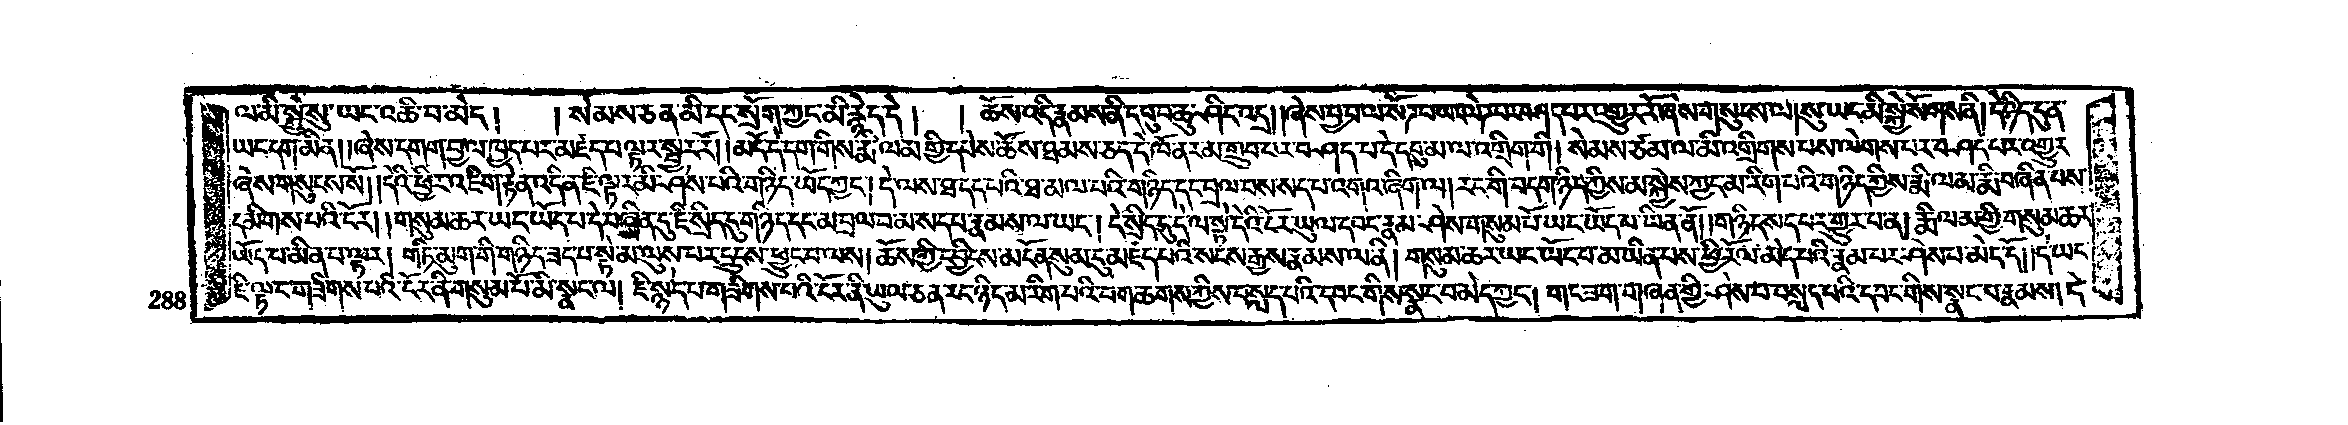ལ་མི་སྐྱེ་སུ་ཡང་འཆི་བ་མེད། །སེམས་ཅན་མི་དང་སྲོག་ཀྱང་མི་རྙེད་དེ། །ཆོས་འདི་རྣམས་ནི་དབུ་བ་ཆུ་ཤིང་འདྲ། །ཞེས་བྱ་བ་ལ་སོགས་པ་ཡང་ལེགས་པར་བཤད་པར་འགྱུར་རོ་ཞེས་གསུངས་ལ། སུ་ཡང་མི་སྐྱེ་སོགས་ནི། དེ་ཉིད་དུ་ན་
ཡང་དག་མིན། །ཞེས་དགག་བྱ་ལ་ཁྱད་པར་མཛད་པ་ལྟར་སྦྱར་རོ། །མདོ་དེ་དག་གིས་རྨི་ལམ་གྱི་དཔེས་ཆོས་ཐམས་ཅད་དེ་ཁོ་ནར་མ་གྲུབ་པར་བཤད་པ་དེ་དབུ་མ་ལ་འགྲིག་གི ། སེམས་ཙམ་ལ་མི་འགྲིགས་པས་ལེགས་པར་བཤད་པར་འགྱུར་
ཞེས་གསུངས་སོ། །དེའི་ཕྱིར་འཇིག་རྟེན་འདི་ན་ཇི་ལྟར་མི་ཤེས་པའི་གཉིད་ཡོད་ཀྱང་། དེ་ལས་ཐ་དད་པའི་ཐ་མལ་པའི་གཉིད་དང་བྲལ་བས་སད་པ་འགའ་ཞིག་ལ། རང་གི་བདག་ཉིད་ཀྱིས་མ་སྐྱེས་ཀྱང་མ་རིག་པའི་གཉིད་ཀྱིས་རྨི་ལམ་རྨི་བཞིན་པས་
དམིགས་པའི་ངོར། །གསུམ་ཆར་ཡང་ཡོད་པ་དེ་བཞིན་དུ་ཇི་སྲིད་དུ་གཉིད་དང་མ་བྲལ་བ་མ་སད་པ་རྣམས་ལ་ཡང་། དེ་སྲིད་དུ་དེ་ལ་སྟེ་དེའི་ངོར་ཡུལ་དབང་རྣམ་ཤེས་གསུམ་པོ་ཡང་ཡོད་པ་ཡིན་ནོ། །གཉིད་སད་པར་གྱུར་པ་ན། རྨི་ལམ་གྱི་གསུམ་ཆར་
ཡོད་པ་མིན་པ་ལྟར། གཏི་མུག་གི་གཉིད་ཟད་པ་སྟེ་མ་ལུས་པར་དྲུངས་ཕྱུང་བ་ལས། ཆོས་ཀྱི་དབྱིངས་མངོན་སུམ་དུ་མཛད་པའི་སངས་རྒྱས་རྣམས་ལ་ནི། གསུམ་ཆར་ཡང་ཡོད་པ་མ་ཡིན་པས་ཕྱི་རོལ་མེད་པའི་རྣམ་པར་ཤེས་པ་མེད་དོ། །དེ་ཡང་
ཇི་ལྟར་གཟིགས་པའི་ངོར་ནི་གསུམ་པོ་མི་སྣང་ལ། ཇི་སྙེད་པ་གཟིགས་པའི་ངོར་ནི་ཡུལ་ཅན་རང་ཉིད་མ་རིག་པའི་བག་ཆགས་ཀྱིས་བསླད་པའི་དབང་གིས་སྣང་བ་མེད་ཀྱང་། གང་ཟག་གཞན་གྱི་ཤེས་པ་བསླད་པའི་དབང་གིས་སྣང་བ་རྣམས། དེ་